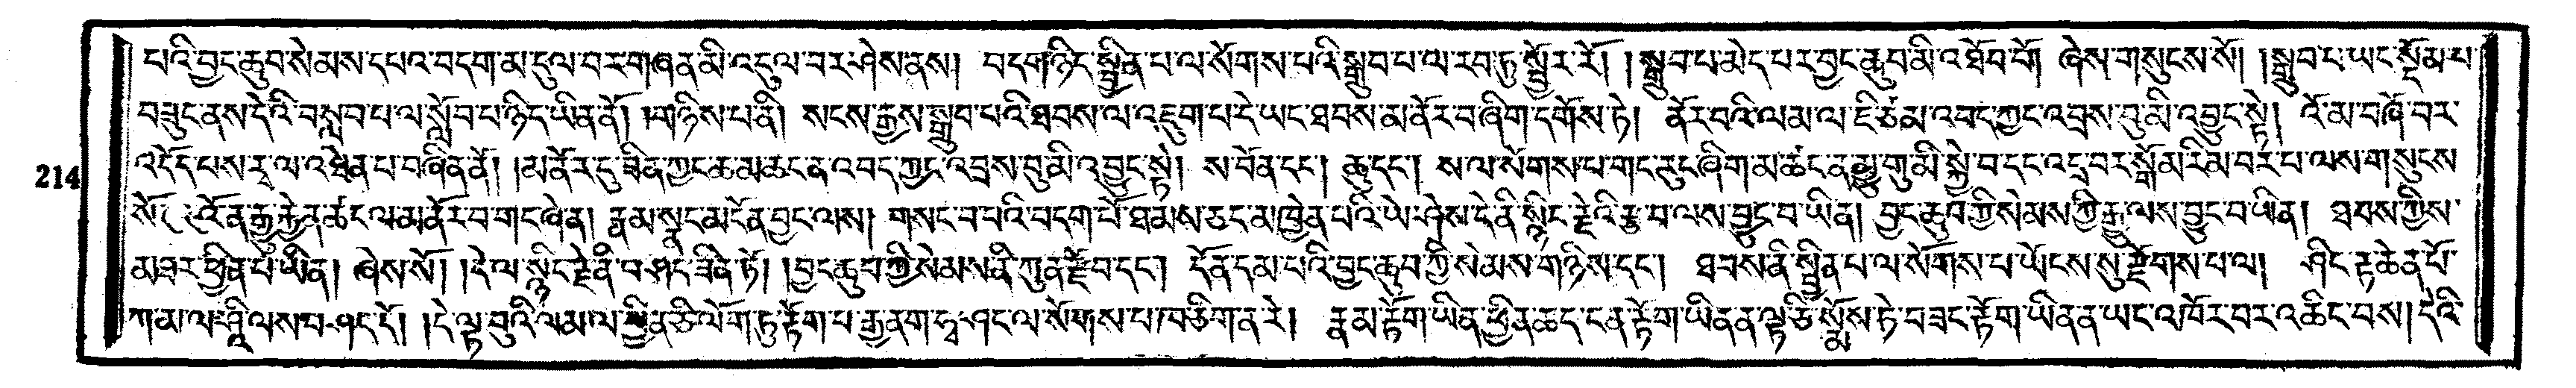པའི་བྱང་ཆུབ་སེམས་དཔའ་བདག་མ་དུལ་བར་གཞན་མི་འདུལ་བར་ཤེས་ནས། བདག་ཉིད་སྦྱིན་པ་ལ་སོགས་པའི་སྒྲུབ་པ་ལ་རབ་ཏུ་སྦྱོར་རོ། །སྒྲུབ་པ་མེད་པར་བྱང་ཆུབ་མི་འཐོབ་བོ། ཞེས་གསུངས་སོ། །སྒྲུབ་པ་ཡང་སྡོམ་པ་
བཟུང་ནས་དེའི་བསླབ་པ་ལ་སློབ་པ་ཉིད་ཡིན་ནོ། །གཉིས་པ་ནི། སངས་རྒྱས་སྒྲུབ་པའི་ཐབས་ལ་འཇུག་པ་དེ་ཡང་ཐབས་མ་ནོར་བ་ཞིག་དགོས་ཏེ། ནོར་བའི་ལམ་ལ་ཇི་ཙམ་འབད་ཀྱང་འབྲས་བུ་མི་འབྱུང་སྟེ། འོ་མ་བཞོ་བར་
འདོད་པས་རྭ་ལ་འཐེན་པ་བཞིན་ནོ། །མནོར་དུ་ཟིན་ཀྱང་ཆ་མ་ཚང་ན་འབད་ཀྱང་འབྲས་བུ་མི་འབྱུང་སྟེ། ས་བོན་དང་། ཆུ་དང་། ས་ལ་སོགས་པ་གང་རུང་ཞིག་མ་ཚང་ན་མྱུ་གུ་མི་སྐྱེ་བ་དང་འདྲ་བར་སྒོམ་རིམ་བར་པ་ལས་གསུངས་
སོ༑ ༑འོ་ན་རྒྱུ་རྐྱེན་ཚང་ལ་མ་ནོར་བ་གང་ཞེ་ན། རྣམ་སྣང་མངོན་བྱང་ལས། གསང་བ་བའི་བདག་པོ་ཐམས་ཅད་མཁྱེན་པའི་ཡེ་ཤེས་དེ་ནི་སྙིང་རྗེའི་རྩ་པ་ལས་བྱུང་བ་ཡིན། བྱང་ཆུབ་ཀྱི་སེམས་ཀྱི་རྒྱུ་ལས་བྱུང་བ་ཡིན། ཐབས་ཀྱིས་
མཐར་ཕྱིན་པ་ཡིན། ཞེས་སོ། །དེ་ལ་སྙིང་རྗེ་ནི་བཤད་ཟིན་ཏོ། །བྱང་ཆུབ་ཀྱི་སེམས་ནི་ཀུན་རྫོབ་དང་། དོན་དམ་པའི་བྱང་ཆུབ་ཀྱི་སེམས་གཉིས་དང་། ཐབས་ནི་སྦྱིན་པ་ལ་སོགས་པ་ཡོངས་སུ་རྫོགས་པ་ལ། ཤིང་རྟ་ཆེན་པོ་
ཀ་མ་ལ་ཤཱི་ལས་བཤད་དོ། །དེ་ལྟ་བུའི་ལམ་ལ་ཕྱིན་ཅི་ལོག་ཏུ་རྟོག་པ་རྒྱ་ནག་ཧྭ་ཤང་ལ་སོགས་པ་ཁ་ཅིག་ན་རེ། རྣམ་རྟོག་ཡིན་ཕྱིན་ཆད་ངན་རྟོག་ཡིན་ན་ལྟ་ཅི་སྨོས་ཏེ་བཟང་རྟོག་ཡིན་ན་ཡང་འཁོར་བར་འཆིང་བས། དེའི་